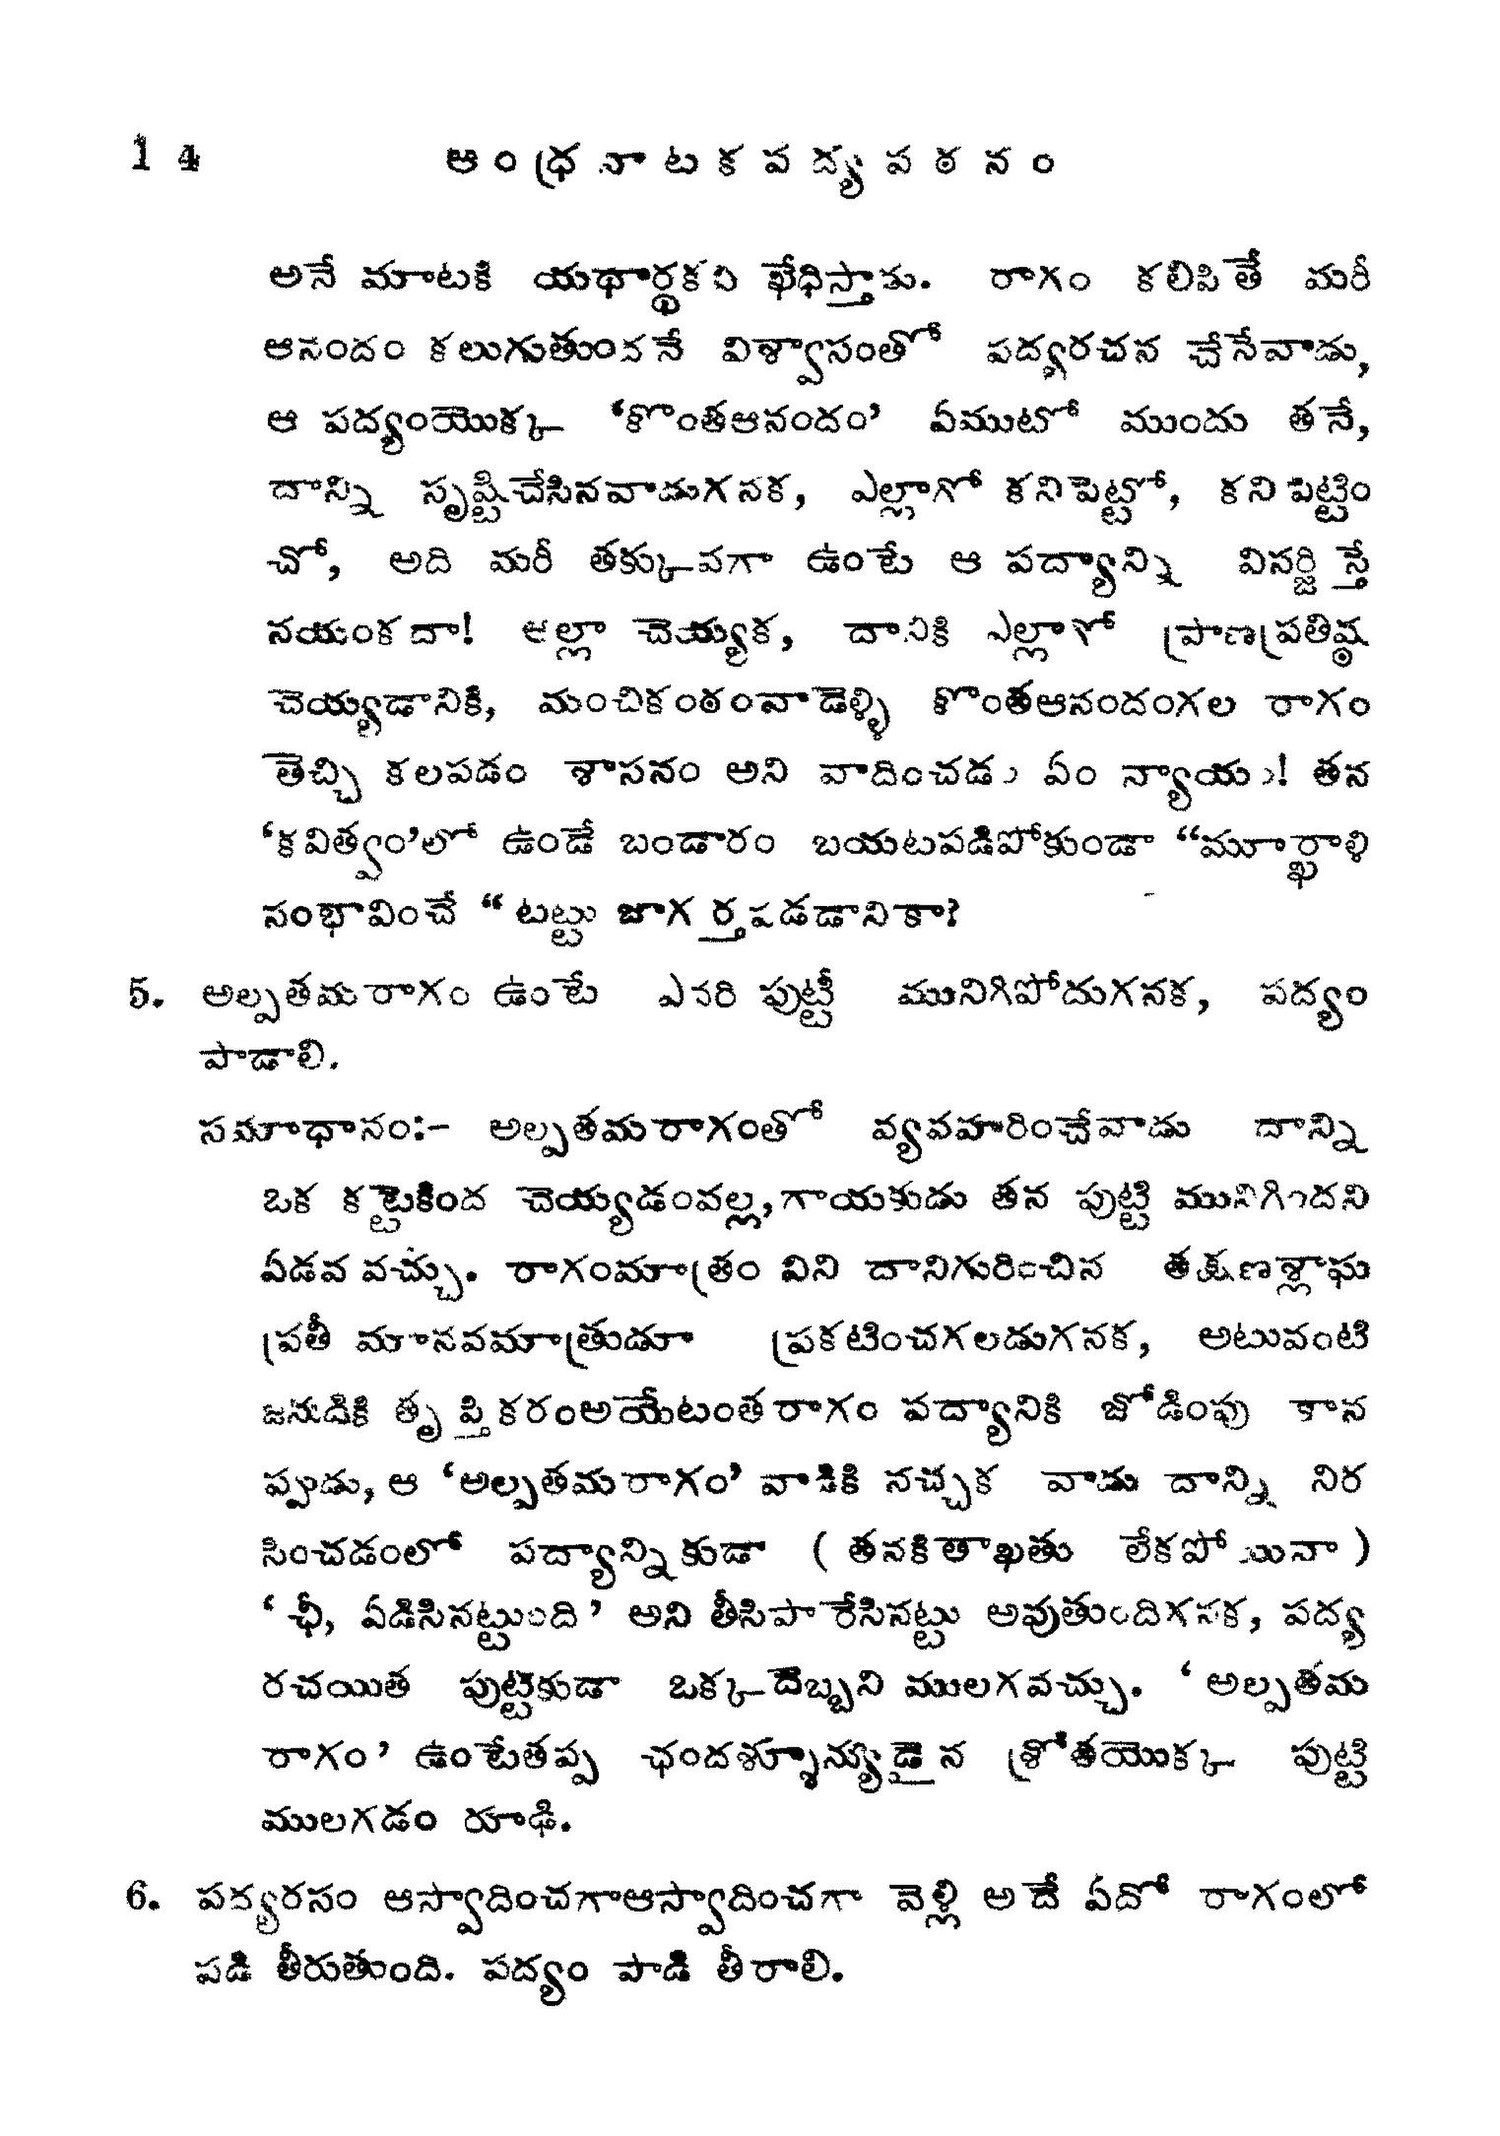అనే మాటకి యథార్థకవి ఖేధిస్తాడు. రాగం కలిపితే మరీ
ఆనందం కలుగుతుందనే విశ్వాసంతో పద్యరచన చేసేవాడు,
ఆ పద్యంయొక్క 'కొంత ఆనందం' ఏముటో ముందు తనే,
దాన్ని సృష్టిచేసినవాడుగనక, ఎల్లాగో కనిపెట్టో, కనిపెట్టిం
చో, అది మరీ తక్కువగా ఉంటే ఆ పద్యాన్ని విసర్జిస్తే
నయంకదా! అల్లా చెయ్యక, దానికి ఎల్లాగో ప్రాణప్రతిష్ఠ
చెయ్యడానికి, మంచికంఠంవాడెళ్ళి కొంతఆనందంగల రాగం
తెచ్చి కలపడం శాసనం అని వాదించడం ఏం న్యాయం! తన
'కవిత్వం'లో ఉండే బండారం బయటపడిపోకుండా “మూర్ఖాళి
సంభావించే "టట్టు జాగర్తపడడానికా?

5. అల్పతమరాగం ఉంటే ఎవరి పుట్టీ మునిగిపోదుగనక, పద్యం
పాడాలి.

సమాధానం:- అల్పతమరాగంతో వ్యవహరించేవాడు దాన్ని
ఒక కట్టెకింద చెయ్యడంవల్ల, గాయకుడు తన పుట్టి మునిగిందని
ఏడవ వచ్చు. రాగంమాత్రం విని దానిగురించిన తక్షణశ్లాఘ
ప్రతీ మానవమాత్రుడూ ప్రకటించగలడుగనక, అటువంటి
జనుడికి తృప్తికరంఅయేటంతరాగం పద్యానికి జోడింపు కాన
ప్పుడు, ఆ 'అల్పతమరాగం' వాడికి నచ్చక వాడు దాన్ని నిర
సించడంలో పద్యాన్నికుడా ( తనకితాఖతు లేకపోయినా )
'ఛీ, ఏడిసినట్టుంది' అని తీసిపారేసినట్టు అవుతుందిగనక, పద్య
రచయిత పుట్టికుడా ఒక్క దెబ్బని ములగవచ్చు. 'అల్పతమ
రాగం' ఉంటేతప్ప ఛందశ్శూన్యుడైన శ్రోతయొక్క పుట్టి
ములగడం రూఢి.

6. పద్యరసం ఆస్వాదించగాఆస్వాదించగా వెళ్లి అదే ఏదో రాగంలో
పడి తీరుతుంది. పద్యం పాడి తీరాలి.